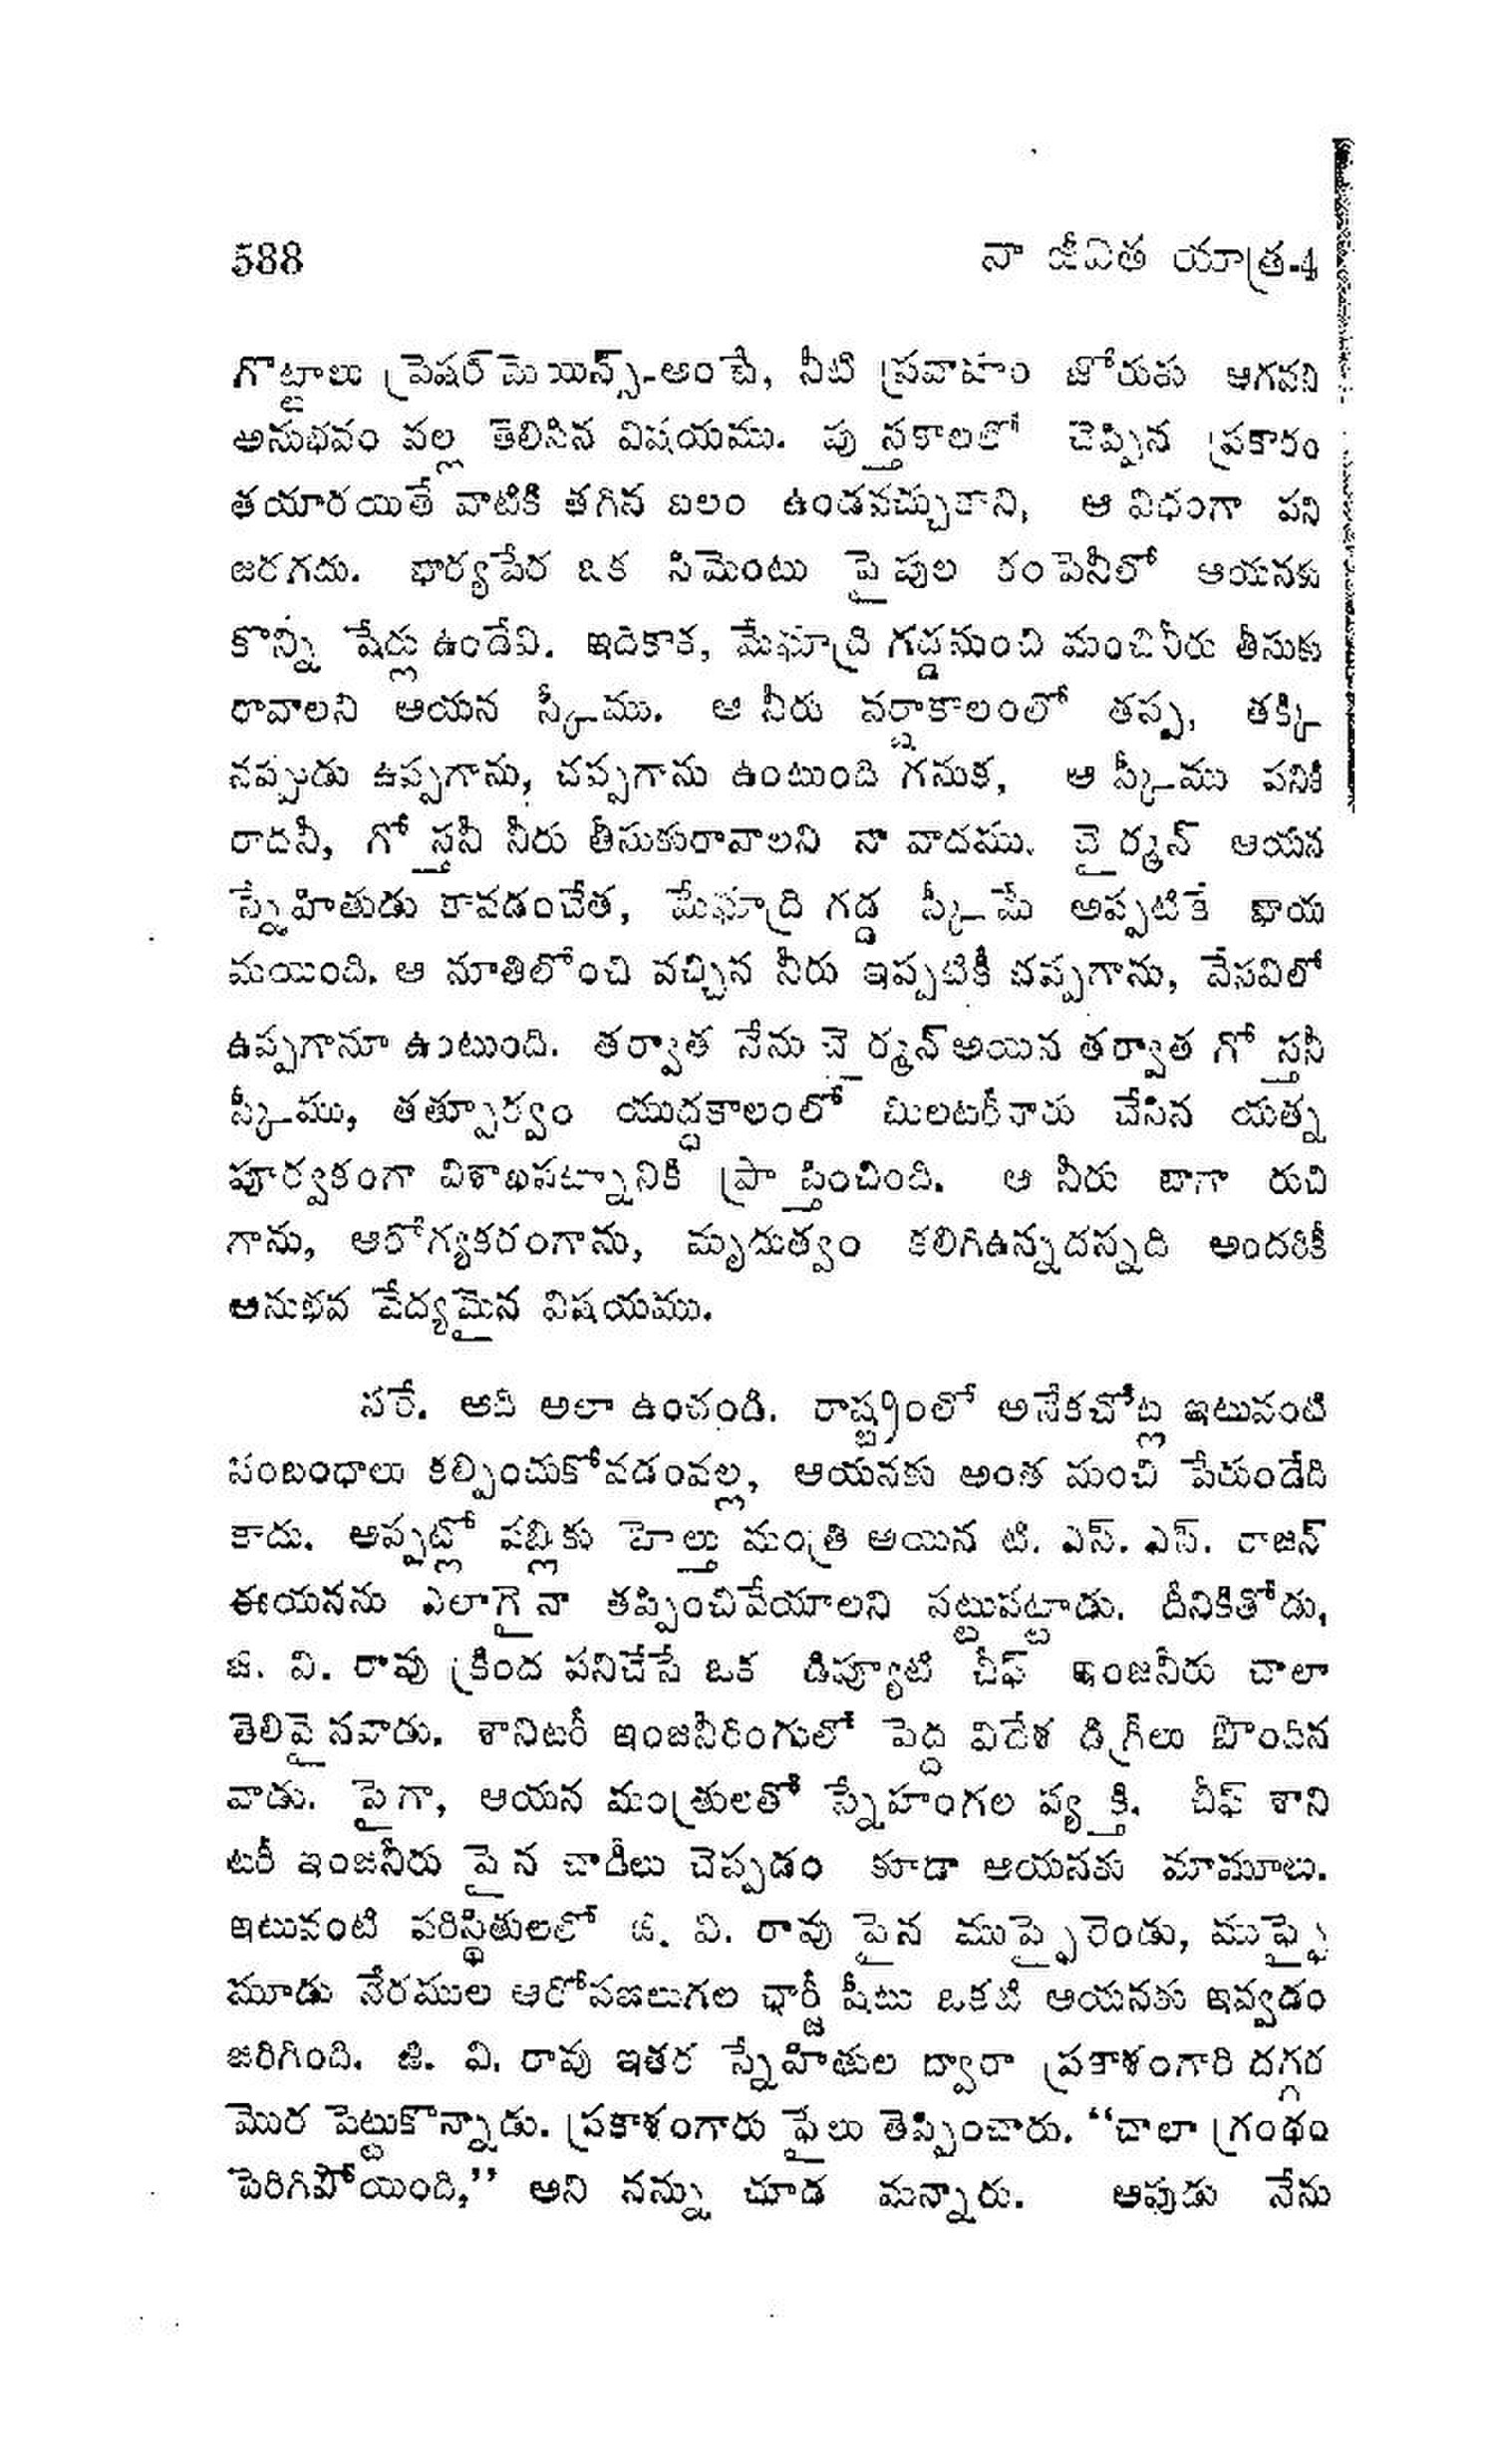గొట్టాలు ప్రెషర్‌మెయిన్స్ - అంటే, నీటి ప్రవాహం జోరుకు ఆగవని అనుభవం వల్ల తెలిసిన విషయము. పుస్తకాలలో చెప్పిన ప్రకారం తయారయితే వాటికి తగిన బలం ఉండవచ్చుకాని, ఆ విధంగా పని జరగదు. భార్యపేర ఒక సిమెంటు పైపుల కంపెనీలో ఆయనకు కొన్ని షేర్లు ఉండేవి. ఇదికాక, మేఘాద్రి గడ్డనుంచి మంచినీరు తీసుకురావాలని ఆయన స్కీము. ఆ నీరు వర్షాకాలంలో తప్ప, తక్కినప్పుడు ఉప్పగాను, చప్పగాను ఉంటుంది గనుక, ఆ స్కీము పనికి రాదనీ, గోస్తనీ నీరు తీసుకురావాలని నా వాదము. చైర్మన్ ఆయన స్నేహితుడు కావడంచేత, మేఘాద్రి గడ్డ స్కీమే అప్పటికే ఖాయమయింది. ఆ నూతిలోంచి వచ్చిన నీరు ఇప్పటికీ చప్పగాను, వేసవిలో ఉప్పగానూ ఉంటుంది. తర్వాత నేను చైర్మన్ అయిన తర్వాత గోస్తనీ స్కీము, తత్పూర్వం యుద్ధకాలంలో మిలటరీవారు చేసిన యత్నపూర్వకంగా విశాఖపట్నానికి ప్రాప్తించింది. ఆ నీరు బాగా రుచిగాను, ఆరోగ్యకరంగాను, మృదుత్వం కలిగిఉన్నదన్నది అందరికీ అనుభవ వేద్యమైన విషయము.

సరే, అది అలా ఉంచండి. రాష్ట్రంలో అనేకచోట్ల ఇటువంటి సంబంధాలు కల్పించుకోవడంవల్ల, ఆయనకు అంత మంచి పేరుండేది కాదు. అప్పట్లో పబ్లికు హెల్తు మంత్రి అయిన టి. ఎస్. ఎస్. రాజన్ ఈయనను ఎలాగైనా తప్పించివేయాలని పట్టుపట్టాడు. దీనికితోడు, జి. వి. రావు క్రింద పనిచేసే ఒక డిప్యూటి చీఫ్ ఇంజనీరు చాలా తెలివైనవాడు. శానిటరీ ఇంజనీరింగులో పెద్ద విదేశ డిగ్రీలు పొందిన వాడు. పైగా, ఆయన మంత్రులతో స్నేహంగల వ్యక్తి. చీఫ్ శానిటరీ ఇంజనీరు పైన చాడీలు చెప్పడం కూడా ఆయనకు మామూలు. ఇటువంటి పరిస్థితులలో జి. వి. రావు పైన ముప్పైరెండు, ముప్పైమూడు నేరముల ఆరోపణలుగల ఛార్జీ షీటు ఒకటి ఆయనకు ఇవ్వడం జరిగింది. జి. వి. రావు ఇతర స్నేహితుల ద్వారా ప్రకాశంగారి దగ్గర మొర పెట్టుకొన్నాడు. ప్రకాశంగారు ఫైలు తెప్పించారు. "చాలా గ్రంథం పెరిగిపోయింది," అని నన్ను చూడ మన్నారు. అపుడు నేను